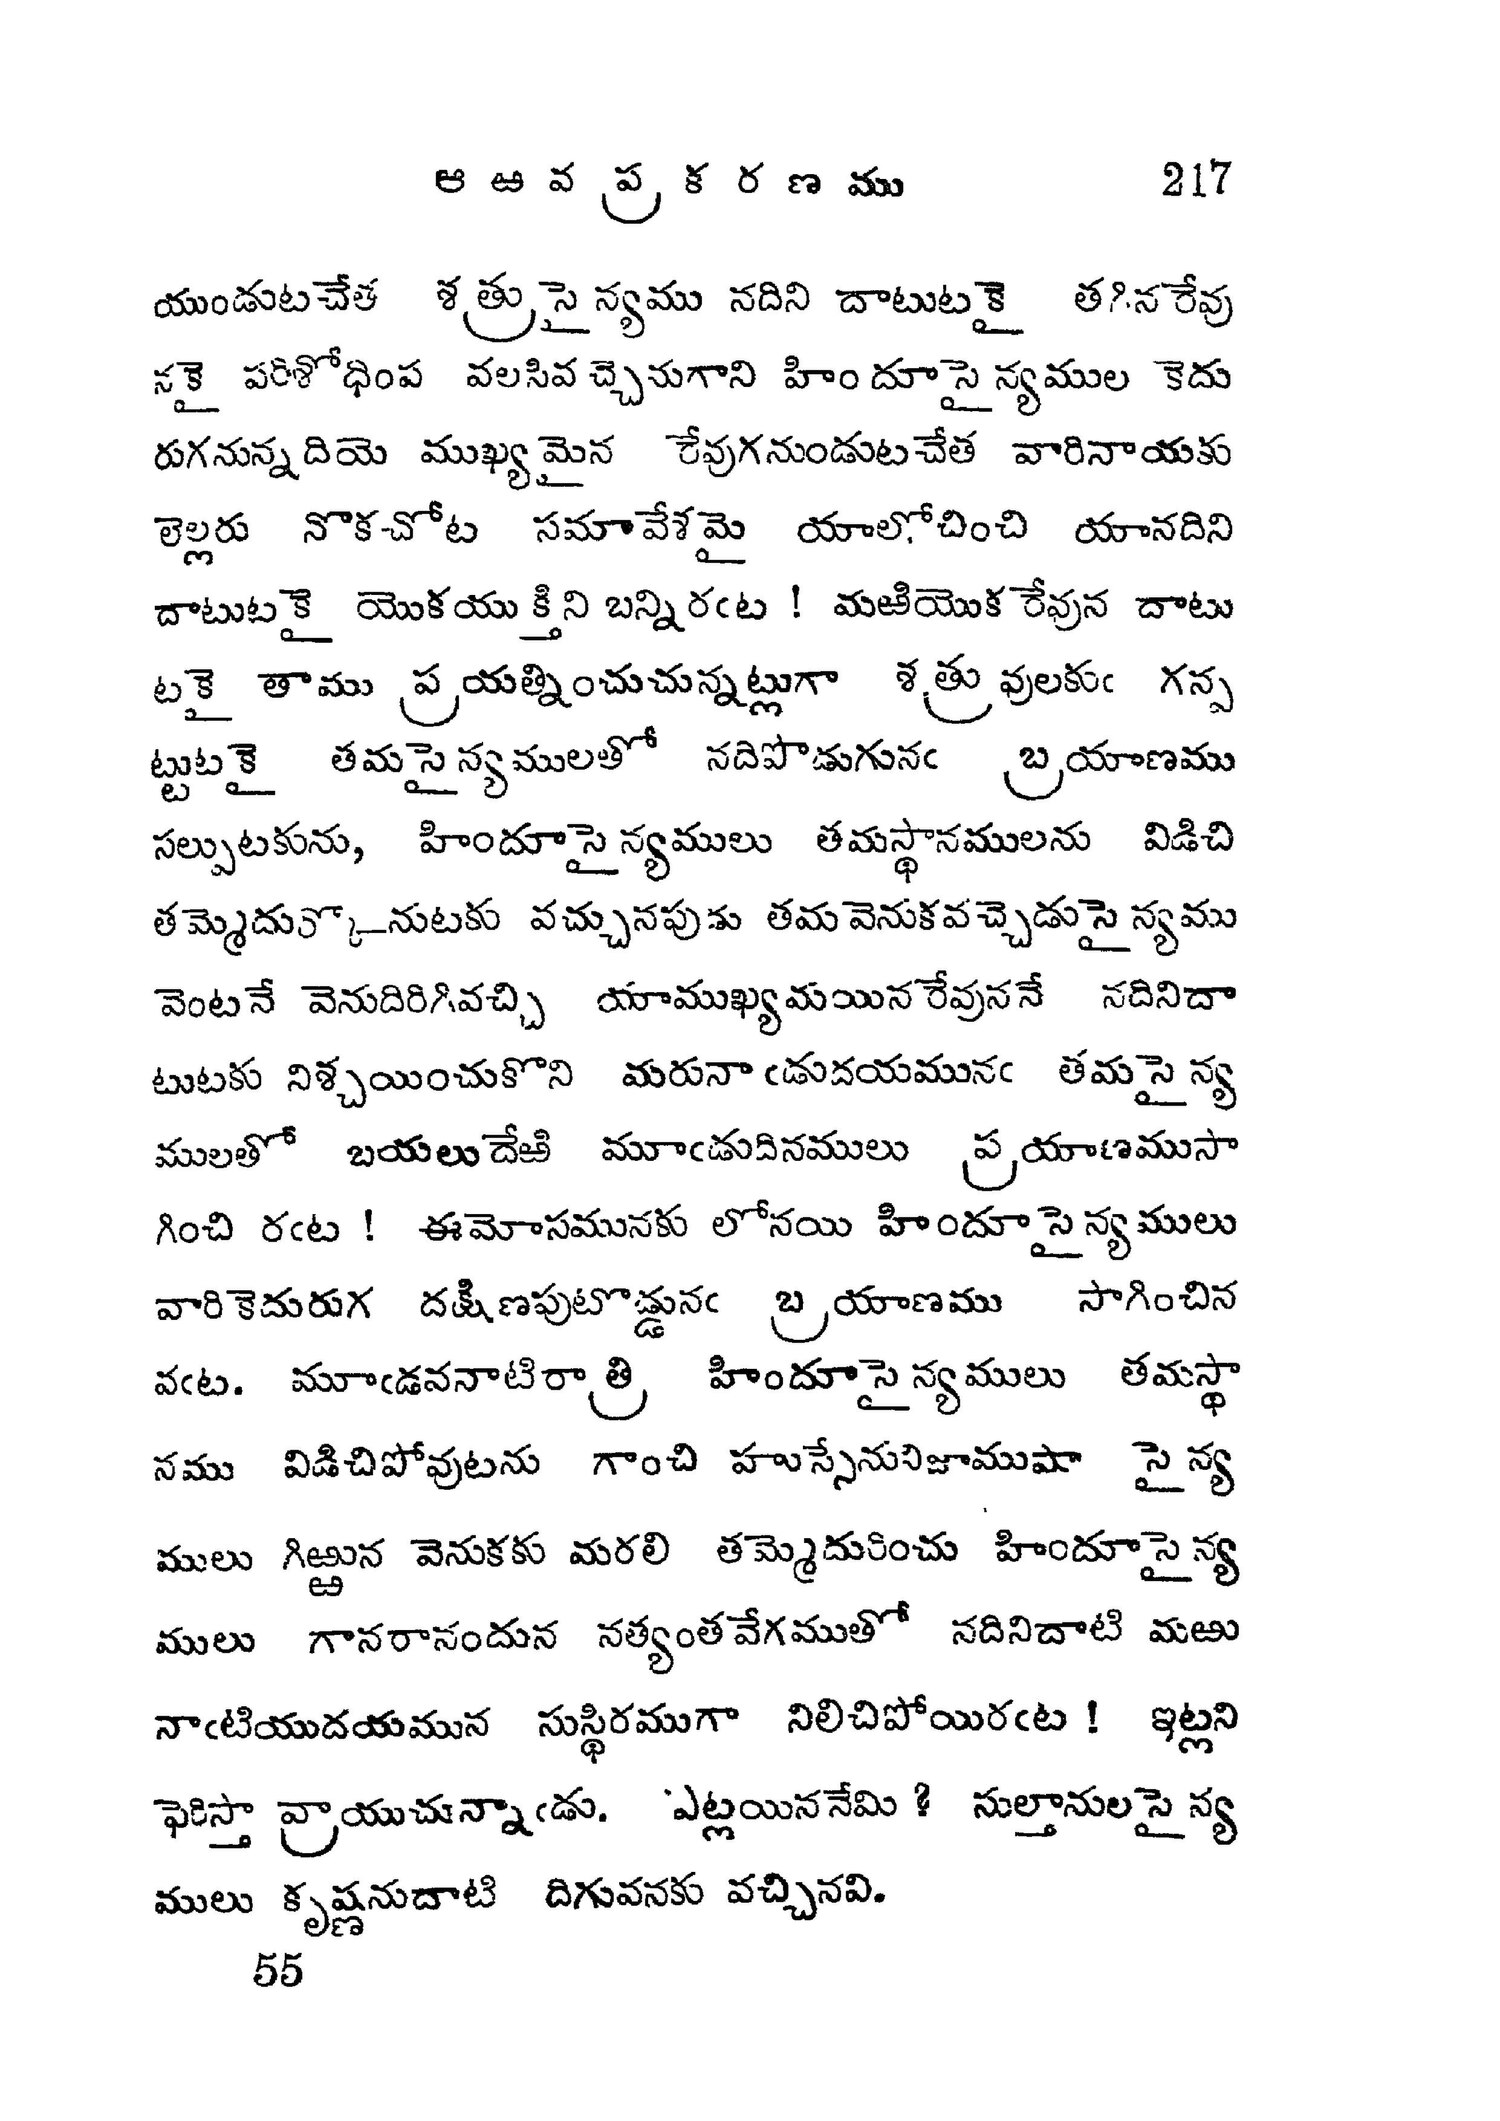యుండుటచేత శత్రుసైన్యము నదిని దాటుటకై తగినరేవునకై పరిశోధింప వలసివచ్చెనుగాని హిందూసైన్యముల కెదురుగనున్నదియె ముఖ్యమైన రేవుగనుండుటచేత వారినాయకులెల్లరు నొకచోట సమావేశమై యాలోచించి యానదిని దాటుటకై యొకయుక్తిని బన్నిరట ! మఱియొకరేవున దాటుటకై తాము ప్రయత్నించుచున్నట్లుగా శత్రువులకు గన్పట్టుటకై తమసైన్యములతో నదిపొడుగున బ్రయాణము సల్పుటకును, హిందూసైన్యములు తమస్థానములను విడిచి తమ్మెదుర్కొనుటకు వచ్చునపుడు తమవెనుకవచ్చెడుసైన్యము వెంటనే వెనుదిరిగివచ్చి యాముఖ్యమయినరేవుననే నదినిదాటుటకు నిశ్చయించుకొని మరునాడుదయమున తమసైన్యములతో బయలుదేఱి మూడుదినములు ప్రయాణముసాగించి రట ! ఈమోసమునకు లోనయి హిందూసైన్యములు వారికెదురుగ దక్షిణపుటొడ్డున బ్రయాణము సాగించినవట. మూడవనాటిరాత్రి హిందూసైన్యములు తమస్థానము విడిచిపోవుటను గాంచి హుస్సేనునిజాముషా సైన్యములు గిఱ్ఱున వెనుకకు మరలి తమ్మెదురించు హిందూసైన్యములు గానరానందున నత్యంతవేగముతో నదినిదాటి మఱునాటియుదయమున సుస్థిరముగా నిలిచిపోయిరట ! ఇట్లని ఫెరిస్తా వ్రాయుచున్నాడు. ఎట్లయిననేమి ? సుల్తానులసైన్యములు కృష్ణనుదాటి దిగువనకు వచ్చినవి.